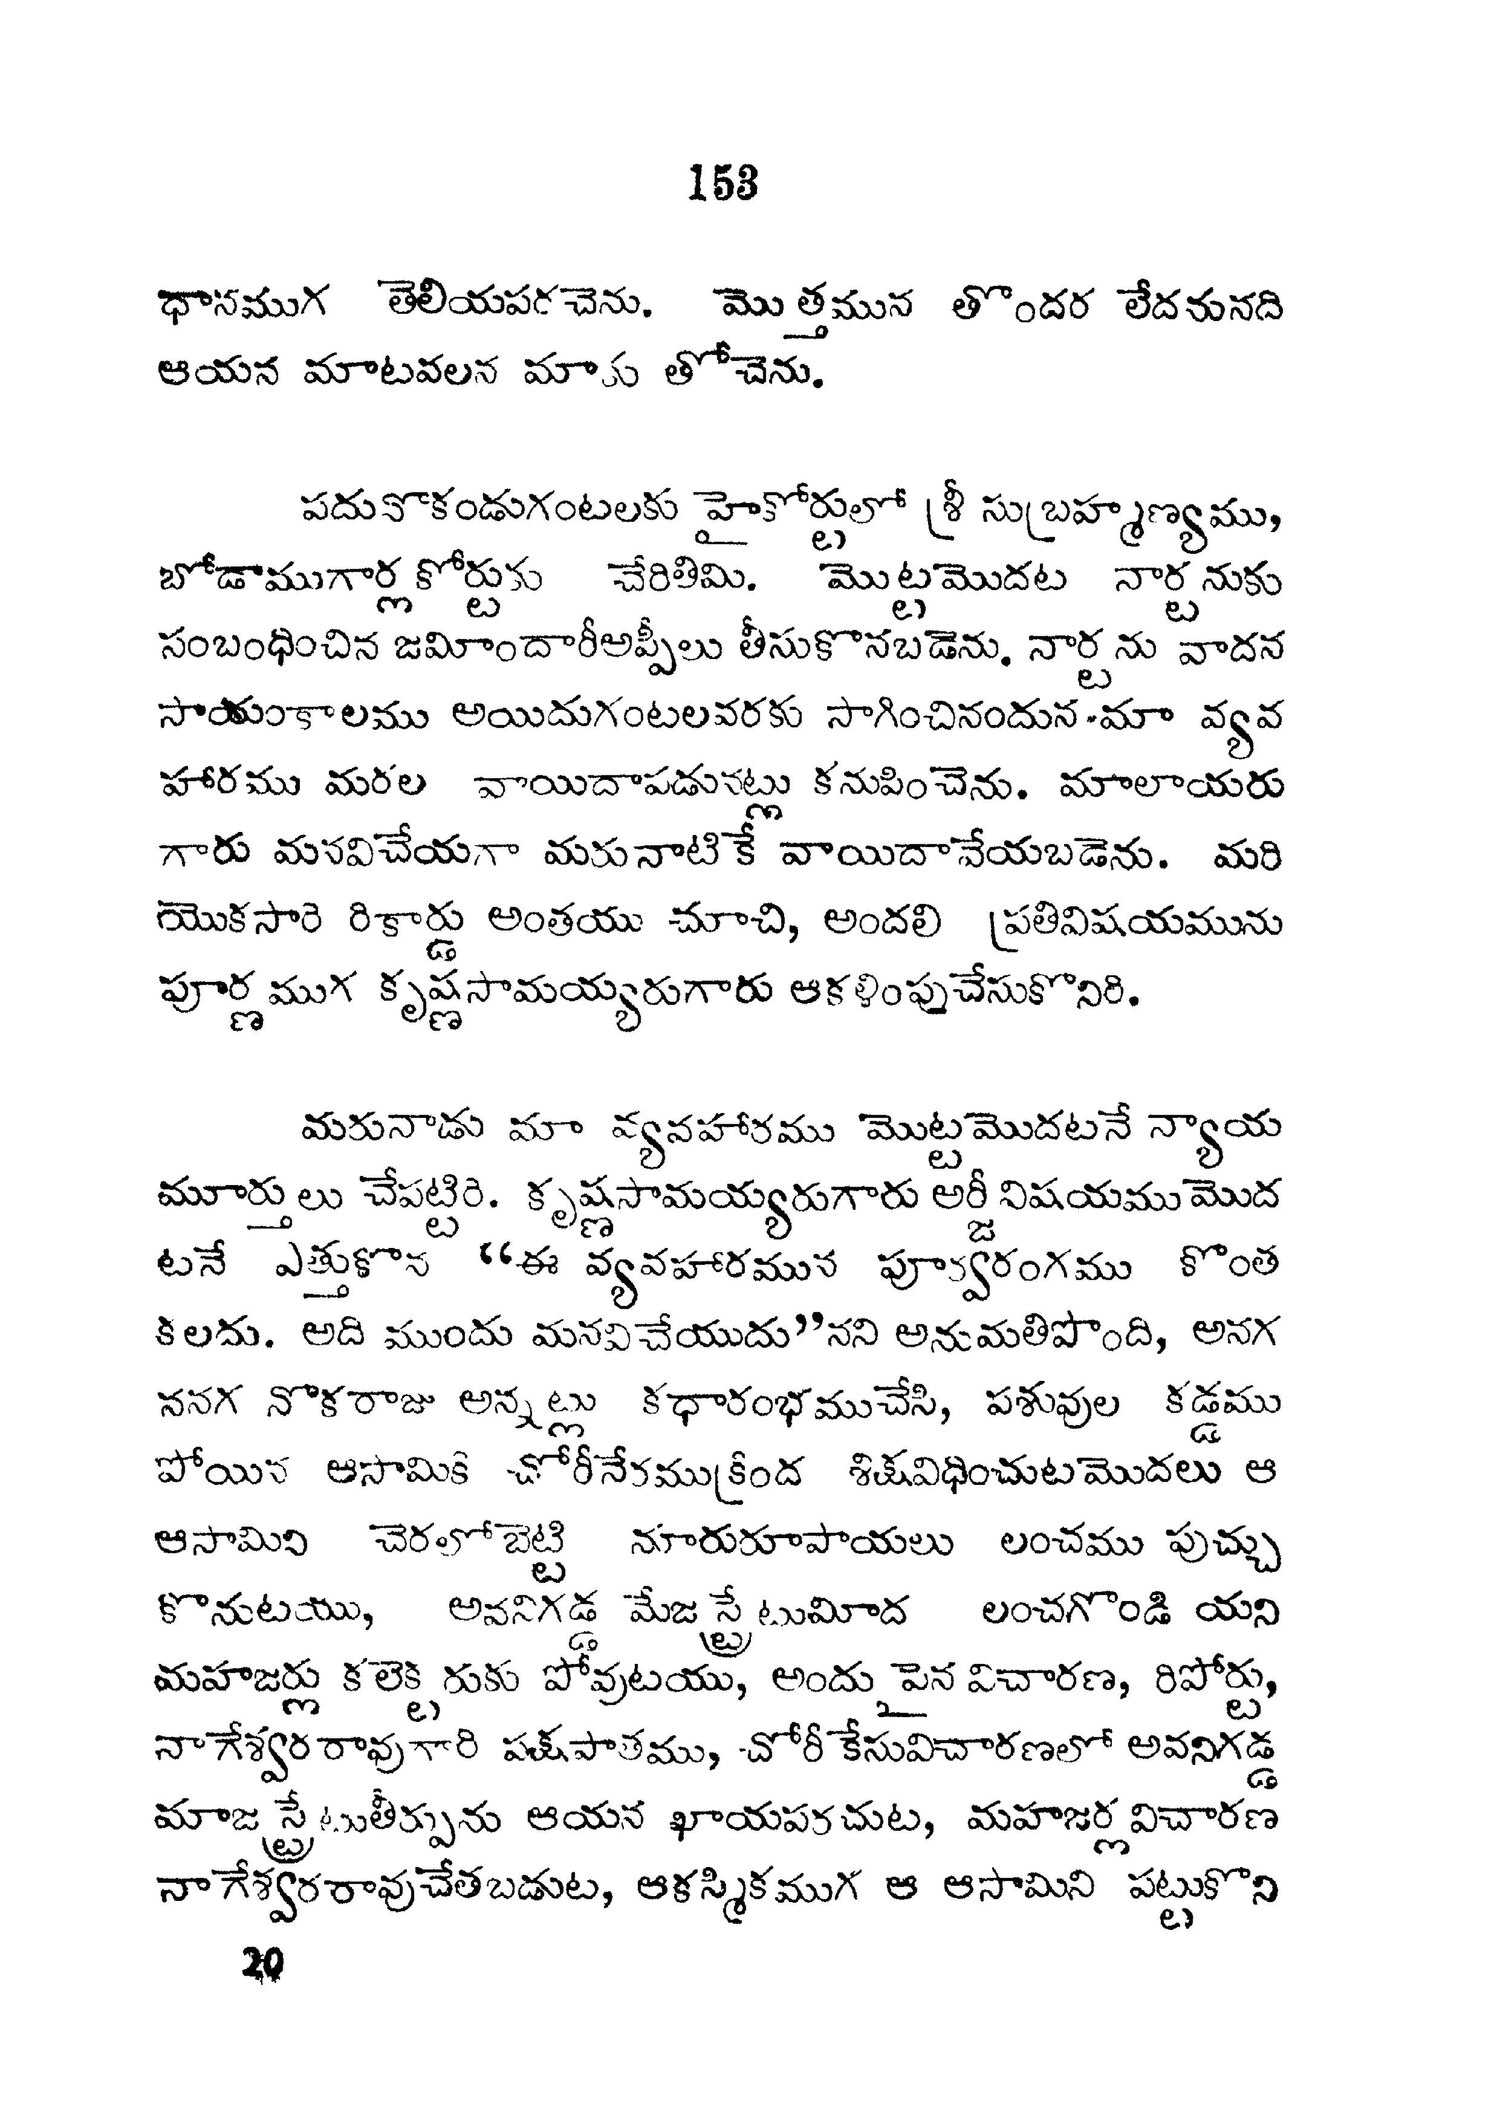ధానముగ తెలియపరచెను. మొత్తమున తొందర లేదనునది ఆయన మాటలవలన మాకు తోచెను.

పదునొకండుగంటలకు హైకోర్టులో శ్రీ సుబ్రహ్మణ్యము, బోడాముగార్లకోర్టుకు చేరితిమి. మొట్టమొదట నార్టనుకు సంబంధించిన జమీందారీఅప్పీలు తీసుకొనబడెను. నార్టను వాదన సాయంకాలము అయిదుగంటలవరకు సాగించినందున మా వ్యవహారము మరల వాయిదాపడునట్లు కనుపించెను. మాలాయరు గారు మనవిచేయగా మరునాటికే వాయిదావేయబడెను. మరియొకసారి రికార్డు అంతయు చూచి, అందలి ప్రతివిషయమును పూర్ణముగ కృష్ణసామయ్యగారు ఆకళింపుచేసుకొనిరి.

మరునాడు మా వ్యవహారము మొట్టమొదటనే న్యాయమూర్తులు చేపట్టిరి. కృష్ణసామయ్యగారు అర్జీవిషయము మొదటనే ఎత్తుకొన "ఈ వ్యవహారమున పూర్వరంగము కొంత కలదు. అది ముందు మనవిచేయుదు"నని అనుమతిపొంది, అనగ ననగ నొకరాజు అన్నట్లు కధారంభముచేసి, పశువుల కడ్డముపోయిన ఆసామికి చోరీనేరముక్రింద శిక్షవిధించుటమొదలు ఆ ఆసామిని చెరలోబెట్టి నూరురూపాయలు లంచము పుచ్చుకొనుటయు, అవనిగడ్డ మేజస్ట్రేటుమీద లంచగొండి యని మహజర్లు కలెక్టరుకు పోవుటయు, అందుపైనవిచారణ, రిపోర్టు, నాగేశ్వరరావుగారి పక్షపాతము, చోరీకేసువిచారణలో అవనిగడ్డ మాజస్ట్రేటుతీర్పును ఆయన ఖాయపరచుట, మహజర్లవిచారణ నాగేశ్వరరావుచేతబడుట, ఆకస్మికముగ ఆ ఆసామిని పట్టుకొని